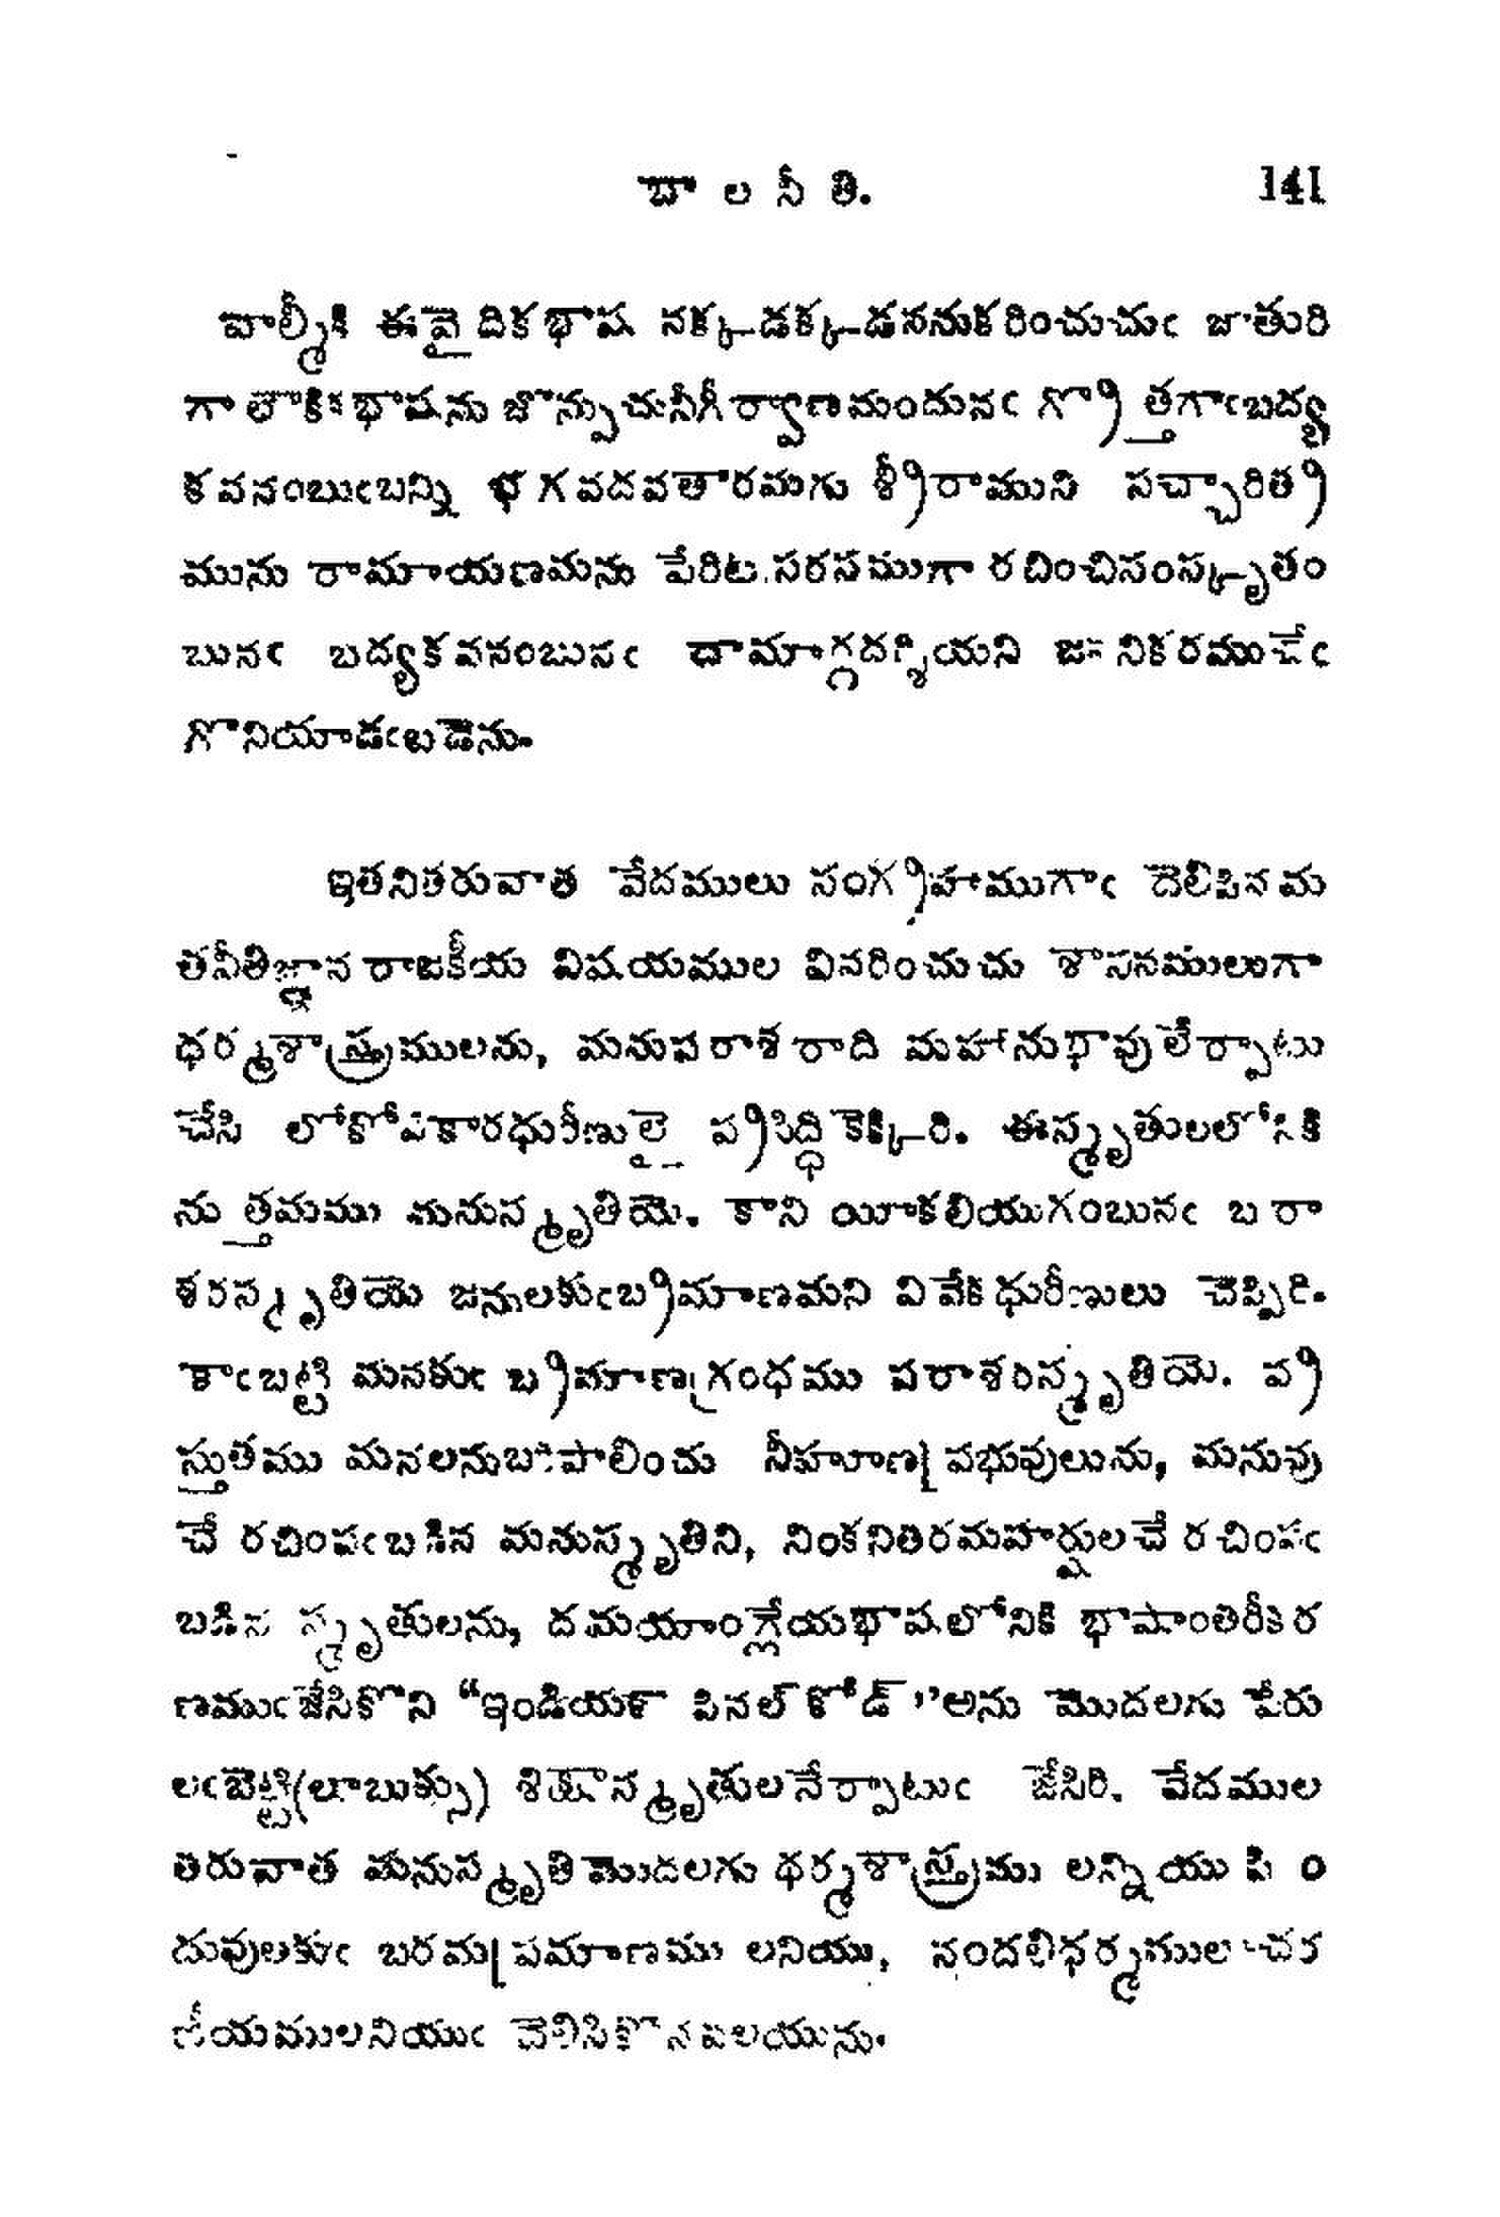వాల్మీకి ఈవైదికభాష నక్కడక్కడననుకరించుచుఁ జాతురి
గాలౌకికభాషను జొన్పుచునీగీర్వాణమందునఁ గ్రొత్తగాఁబద్య
కవనంబుఁబన్ని భగవదవతారమగు శ్రీరాముని సచ్చారిత్ర
మును రామాయణమను పేరిట సరసముగా రచించిసంస్కృతం
బునఁ బద్యకవనంబునఁ దామార్గదర్శియని జననికరముచేఁ 
గొనియాడఁబడెను.

ఇతనితరువాత వేదములు సంగ్రహముగాఁ దెలిపినమ
తనీతిజ్ఞాన రాజకీయ విషయముల వివరించుచు శాసనములుగా 
ధర్మశాస్త్రములను, మనుపరాశరాది మహానుభావులేర్పాటు
చేసి లోకోపకారధురీణులై ప్రసిద్ధికెక్కిరి. ఈస్మృతులలోనికి
నుత్తమము మనుస్మృతియె. కాని యీకలియుగంబునఁ బరా
శరస్మృతియె జనులకుఁబ్రమాణమని వివేకధురీణులు చెప్పిరి. 
కాఁబట్టి మనకుఁ బ్రమాణగ్రంధము పరాశరస్మృతియె. ప్ర
స్తుతము మనలనుబరిపాలించు నీహూణప్రభువులును, మనువు
చే రచింపఁబడిన మనుస్మృతిని, నింకనితరమహర్షులచే రచింపఁ
బడిన స్మృతులను, దమయాంగ్లేయభాషలోనికి భషాంతరీకర
ణముఁజేసికొని “ఇండియన్ పీనల్ కోడ్“అను మొదలగు పేరు
లఁబెట్టి (లాబుక్సు) శిక్షాస్మృతులనేర్పాటుఁ జేసిరి. వేదముల 
తరువాత మనుస్మృతి మొదలగు ధర్మశాస్త్రము లన్నియు హిం
దువులకుఁ బరమప్రమాణము లనియు, నందలిధర్మములాచర
ణీయములనియఁ దెలిసికొనవలయును.